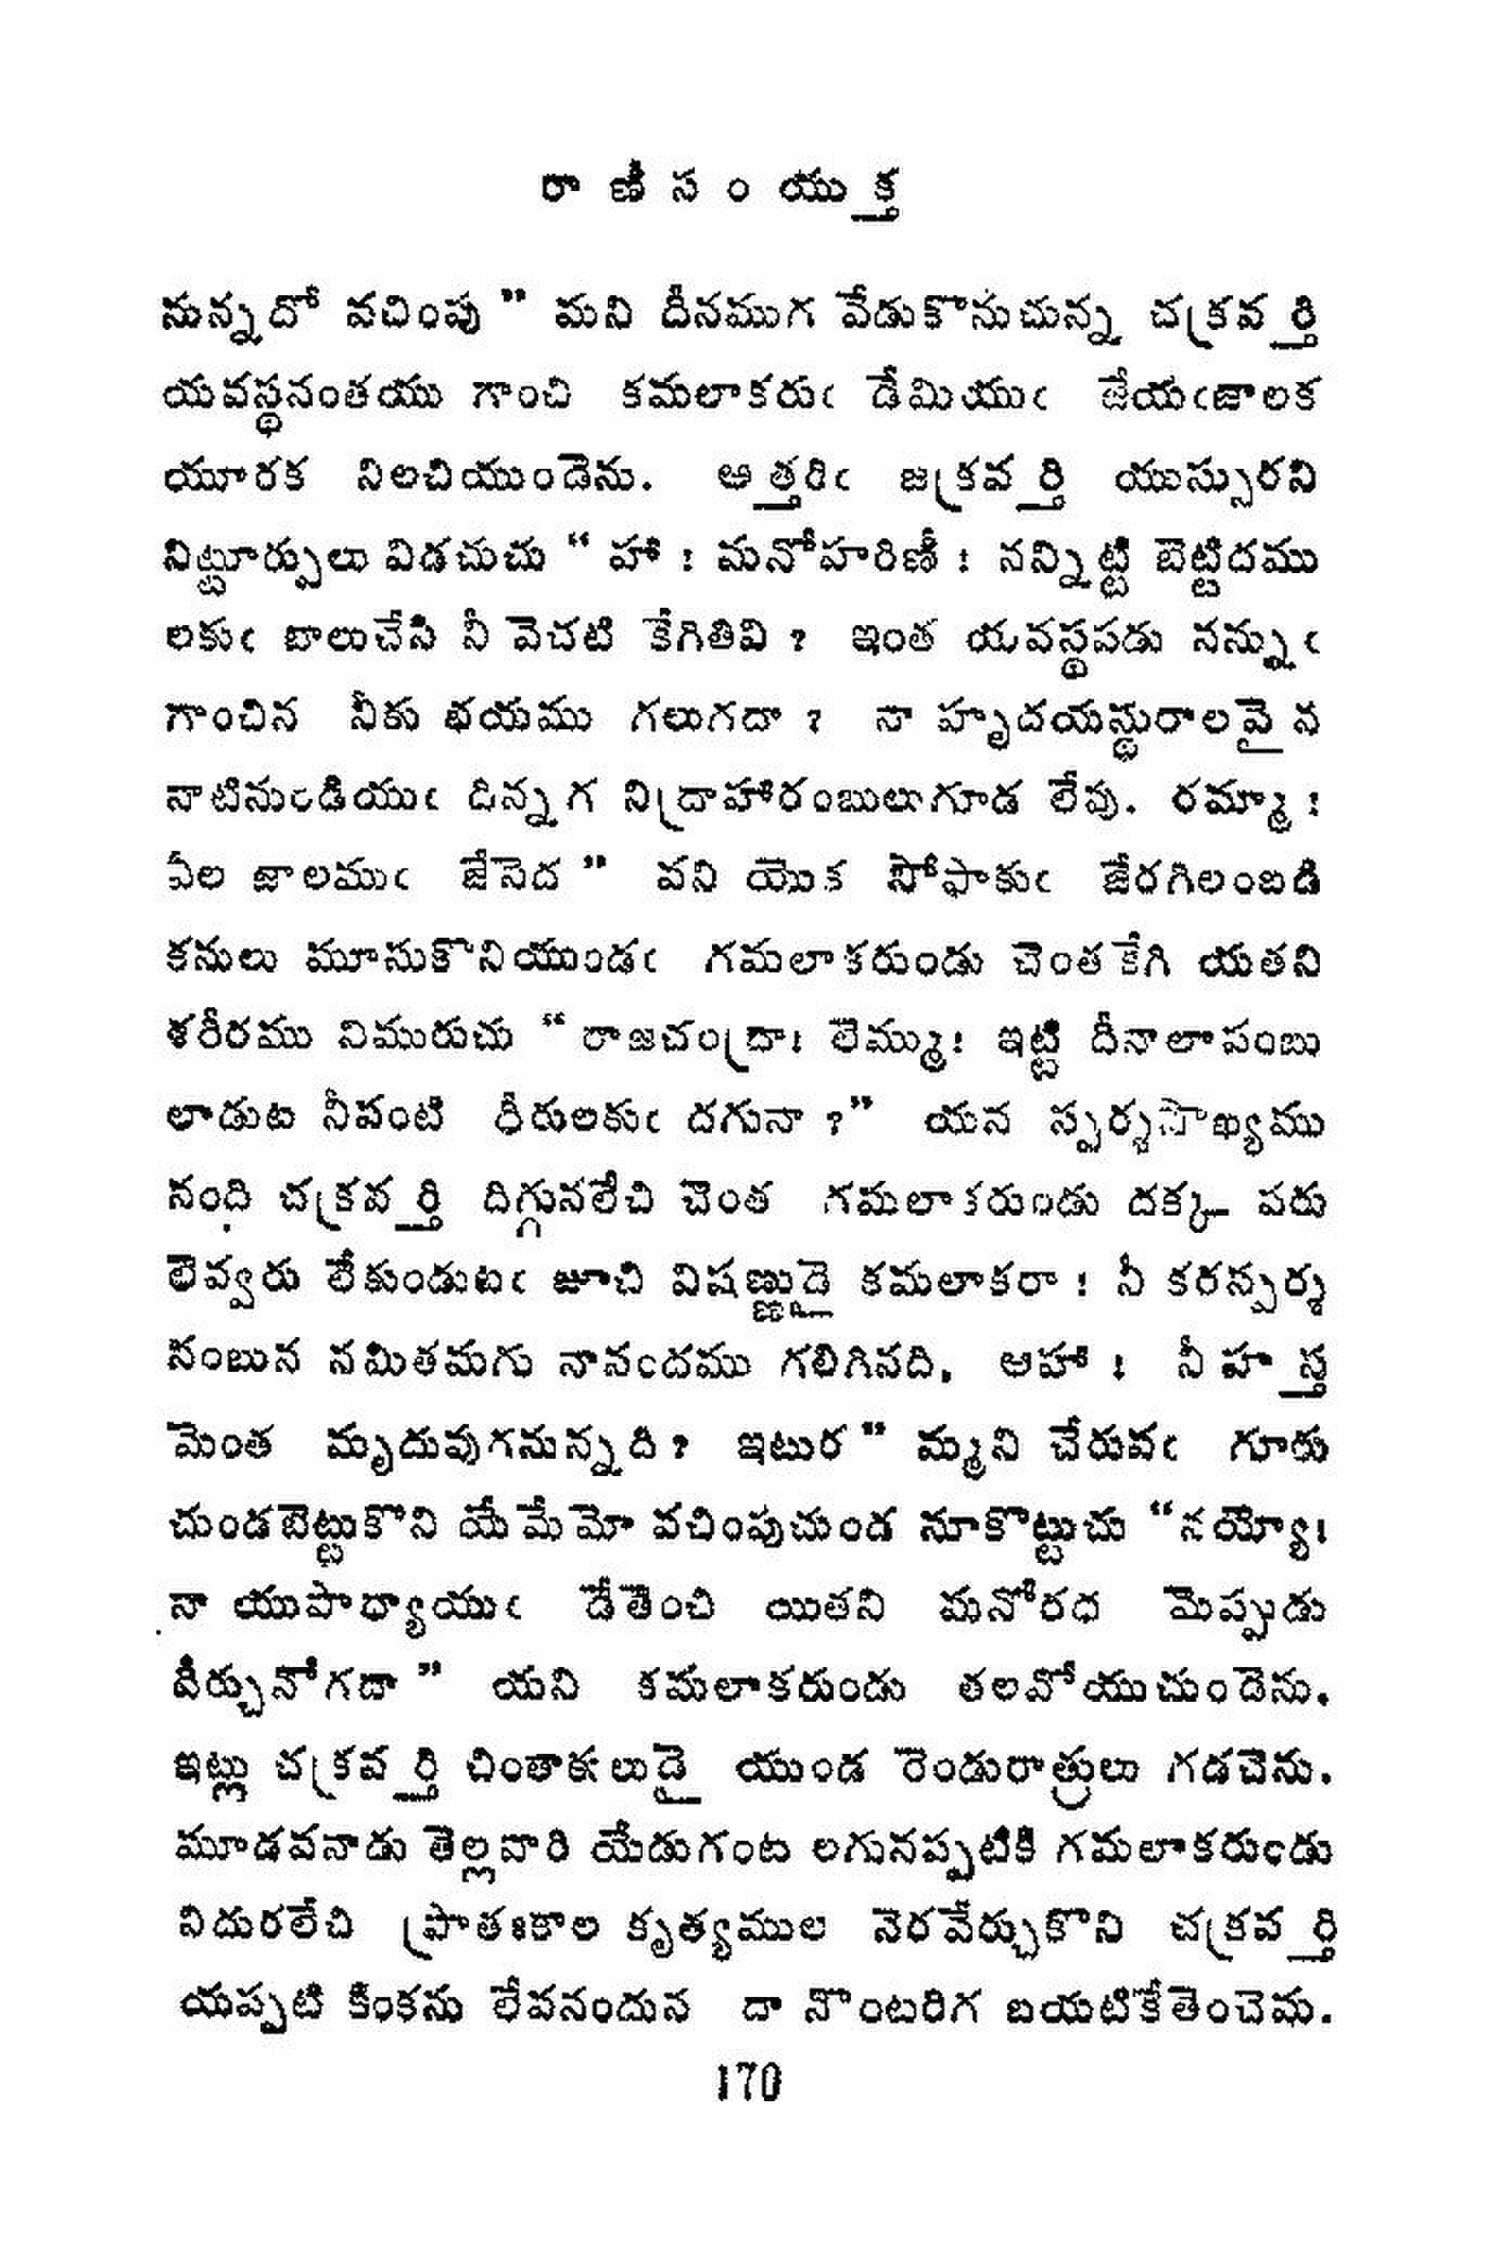నున్నదో వచింపు" మని దీనముగ వేడుకొనుచున్న చక్రవర్తి యవస్థనంతయు గాంచి కమలాకరుఁ డేమియుఁ జేయఁజాలక యూరక నిలచియుండెను. అత్తరిఁ జక్రవర్తి యుస్సురని నిట్టూర్పులు విడచుచు “హా ! మనోహరిణీ ! నన్నిట్టి బెట్టిదములకుఁ బాలుచేసి నీ వెచటి కేగితివి? ఇంత యవస్థపడు నన్నుఁ గాంచిన నీకు భయము గలుగదా? నా సహృదయస్థురాలవైన నాటినుండియుఁ దిన్నగ నిద్రాహారంబులుగూడ లేవు. రమ్మా ! ఏల జాలముఁ జేసెద" వని యొక సోఫాకుఁ జేరగిలంబడి కనులు మూసుకొనియుండఁ గమలాకరుండు చెంతకేగి యతని శరీరము నిమురుచు " రాజచంద్రా! లెమ్ము ! ఇట్టి దీనాలాపంబు లాడుట నీవంటి ధీరులకుఁ దగునా?" యన స్పర్శసౌఖ్యము నంది చక్రవర్తి దిగ్గునలేచి చెంత గమలాకరుఁడు దక్క పరులెవ్వరు లేకుండుటఁ జూచి విషణ్ణుడై కమలాకరా ! నీ కరస్పర్శనంబున నమితమగు నానందము గలిగినది. ఆహా ! నీహస్త మెంత మృదువుగనున్నది. ఇటుర " మ్మని చేరువఁ గూరు చుండబెట్టుకొని యేమేమో వచింపుచుండ నూకొట్టుచు “నయ్యో! నా యుపాధ్యాయుఁ డేతెంచి యితని మనోరధ మెప్పుడు దీర్చునోగదా” యని కమలాకరుండు తలవోయుచుండెను. ఇట్లు చక్రవర్తి చింతాకులుడై యుండ రెండురాత్రులు గడచెను. మూడవనాడు తెల్లవారి యేడుగంట లగునప్పటికి గమలాకరుండు నిదురలేచి ప్రాతఃకాల కృత్యముల నెరవేర్చుకొని చక్రవర్తి యప్పటి కింకను లేవనందున దా నొంటరిగ బయటికేతెంచెను.